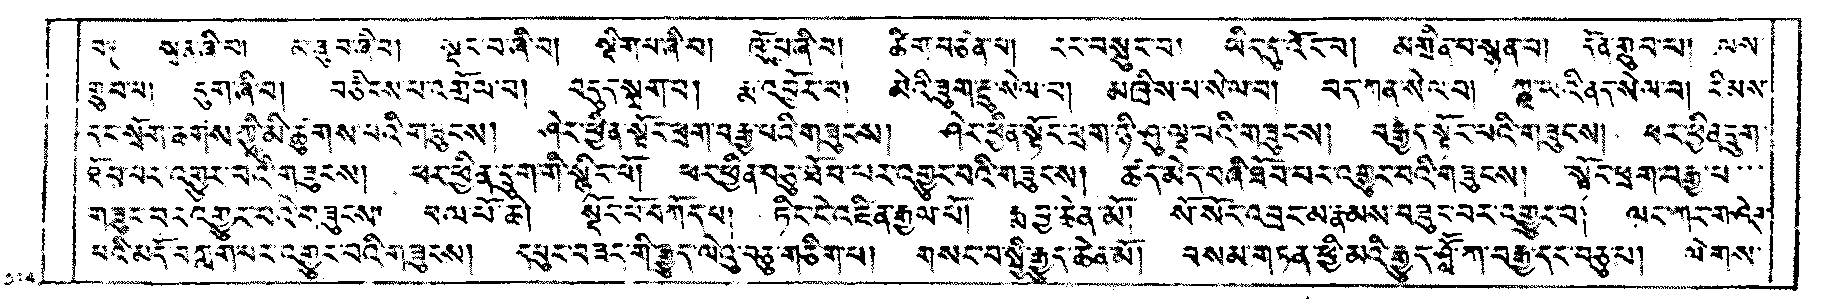བ༑ སྐྲན་ཞི་བ། མ་ཞུ་བ་ཞི་བ། སྡང་བ་ཞི་བ། སྡིག་པ་ཞི་བ། ཁྲོས་པ་ཞི་བ། ཚིག་བཙན་པ། རང་བསྲུང་བ། ཡིད་དུ་འོང་བ། མགྲིན་པ་སྙན་པ། དོན་གྲུབ་པ། ལས་
གྲུབ་པ། དུག་ཞི་བ། བཅིངས་པ་འགྲོལ་བ། བདུད་སྐྲག་པ། རྨ་འབྱོར་བ། མེའི་ཟུག་རྔུ་སེལ་བ། མཁྲིས་པ་སེལ་བ། བར་ཀན་སེལ་བ། ཀྵ་ཡའི་ནད་སེལ་བ། རིམས་
དང་སྲོག་ཆགས་ཀྱིས་མི་ཚུགས་པའི་གཟུངས། ཤེར་ཕྱིན་སྟོང་ཕྲག་བརྒྱ་པའི་གཟུངས། ཤེར་ཕྱིན་སྟོང་ཕྲག་ཉི་ཤུ་ལྔ་པའི་གཟུངས། བརྒྱད་སྟོང་པའི་གཟུངས། ཕར་ཕྱིན་དྲུག་
ཐོབ་པར་འགྱུར་བའི་གཟུངས། ཕར་ཕྱིན་དྲུག་གི་སྙིང་པོ། ཕར་ཕྱིན་བཅུ་ཐོབ་པར་འགྱུར་བའི་གཟུངས། ཚད་མེད་བཞི་ཐོབ་པར་འགྱུར་བའི་གཟུངས། སྟོང་ཕྲག་བརྒྱ་པ་
གཟུང་བར་འགྱུར་བའི་གཟུངས། ཕལ་པོ་ཆེ། སྡོང་པོ་བཀོད་པ། ཏིང་ངེ་འཛིན་རྒྱལ་པོ། རྨ་བྱ་ཆེན་མོ། སོ་སོར་འབྲང་མ་རྣམས་བཟུང་བར་འགྱུར་བ། ལང་ཀར་གཤེགས་
པའི་མདོ་བཀླག་པར་འགྱུར་བའི་གཟུངས། དཔུང་བཟང་གི་རྒྱུད་ལེའུ་བཅུ་གཅིག་པ། གསང་བ་སྤྱི་རྒྱུད་ཆེན་མོ། བསམ་གཏན་ཕྱི་མའི་རྒྱུད་ཤླཽ་ཀ་བརྒྱ་དང་བཅུ་པ། ལེགས་